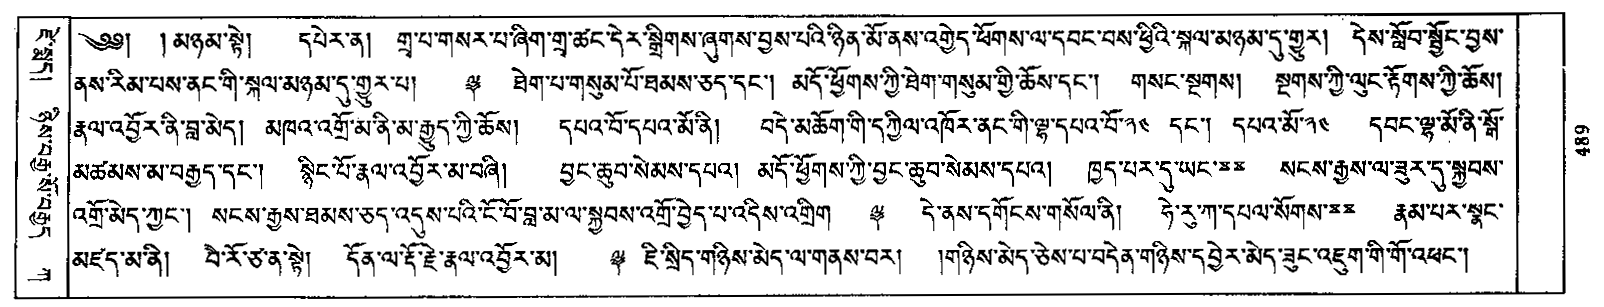༄༅། །མཉམ་སྟེ། དཔེར་ན། གྲྭ་པ་གསར་པ་ཞིག་གྲྭ་ཚང་དེར་སྒྲིགས་ཞུགས་བྱས་པའི་ཉིན་མོ་ནས་འགྱེད་ཕོགས་ལ་དབང་བས་ཕྱིའི་སྐལ་མཉམ་དུ་གྱུར། དེས་སློབ་སྦྱོང་བྱས་
ནས་རིམ་པས་ནང་གི་སྐལ་མཉམ་དུ་གྱུར་པ། ༈ ཐེག་པ་གསུམ་པོ་ཐམས་ཅད་དང་། མདོ་ཕྱོགས་ཀྱི་ཐེག་གསུམ་གྱི་ཆོས་དང་། གསང་སྔགས། སྔགས་ཀྱི་ལུང་རྟོགས་ཀྱི་ཆོས།
རྣལ་འབྱོར་ནི་བླ་མེད། མཁའ་འགྲོ་མ་ནི་མ་རྒྱུད་ཀྱི་ཆོས། དཔའ་བོ་དཔའ་མོ་ནི། བདེ་མཆོག་གི་དཀྱིལ་འཁོར་ནང་གི་ལྷ་དཔའ་བོ ༢༤་དང་། དཔའ་མོ ༢༤་དབང་ལྷ་མོ་ནི་སྒོ་
མཚམས་མ་བརྒྱད་དང་། སྙིང་པོ་རྣལ་འབྱོར་མ་བཞི། བྱང་ཆུབ་སེམས་དཔའ། མདོ་ཕྱོགས་ཀྱི་བྱང་ཆུབ་སེམས་དཔའ། ཁྱད་པར་དུ་ཡང་྾྾་སངས་རྒྱས་ལ་ཟུར་དུ་སྐྱབས་
འགྲོ་མེད་ཀྱང་། སངས་རྒྱས་ཐམས་ཅད་འདུས་པའི་ངོ་བོ་བླ་མ་ལ་སྐྱབས་འགྲོ་བྱེད་པ་འདིས་འགྲིག ༈ དེ་ནས་དགོངས་གསོལ་ནི། ཧེ་རུ་ཀ་དཔལ་སོགས་྾྾་རྣམ་པར་སྣང་
མཛད་མ་ནི། བཻ་རོ་ཙ་ན་སྟེ། དོན་ལ་རྡོ་རྗེ་རྣལ་འབྱོར་མ། ༈ ཇི་སྲིད་གཉིས་མེད་ལ་གནས་བར། །གཉིས་མེད་ཅེས་པ་བདེན་གཉིས་དབྱེར་མེད་ཟུང་འཇུག་གི་གོ་འཕང་།